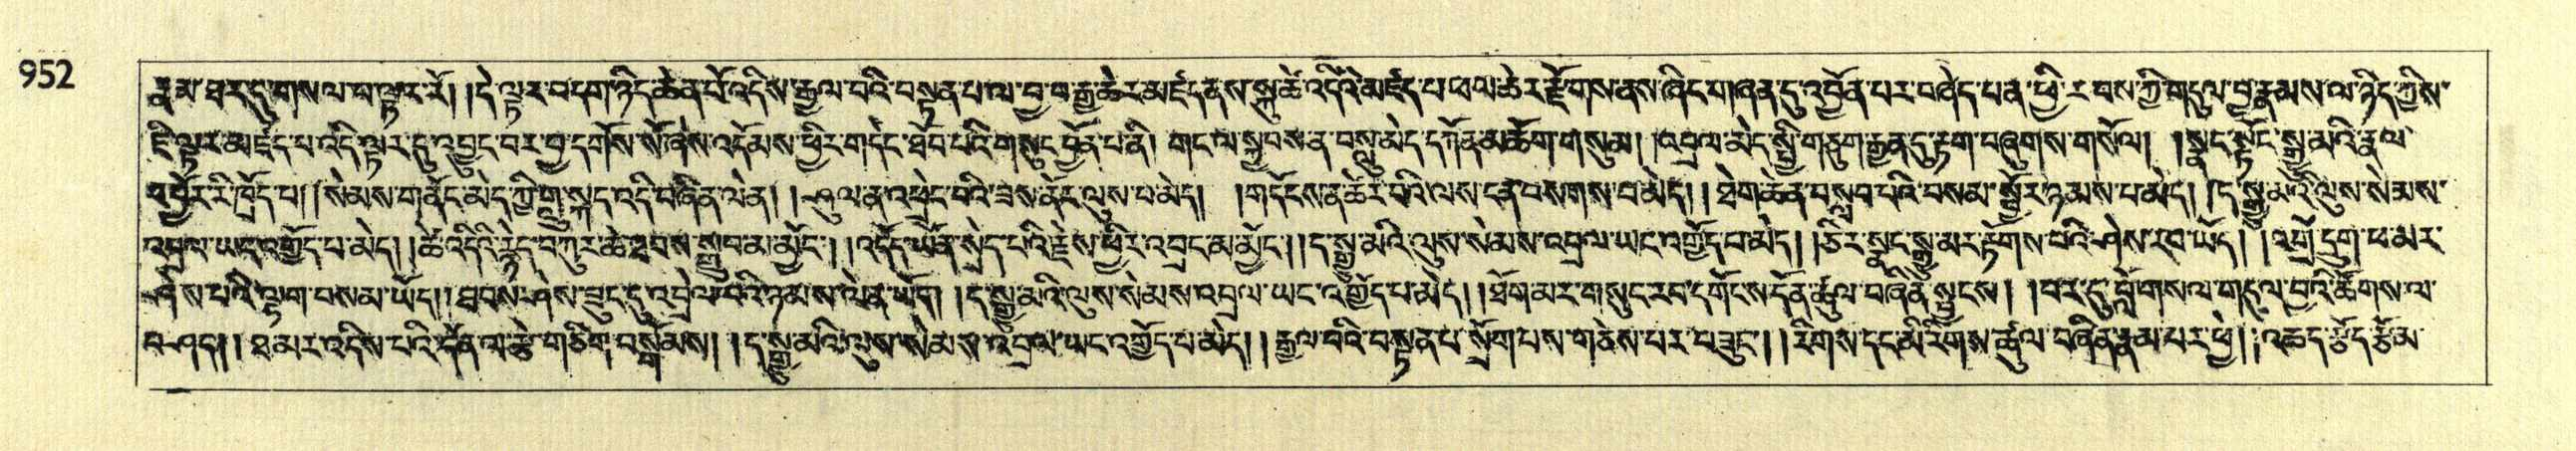རྣམ་ཐར་དུ་གསལ་བ་ལྟར་རོ། །དེ་ལྟར་བདག་ཉིད་ཆེན་པོ་འདིས་རྒྱལ་བའི་བསྟན་པ་ལ་བྱ་བ་རྒྱ་ཆེར་མཛད་ནས་སྐུ་ཚེ་འདིའི་མཛད་པ་ཕལ་ཆེར་རྫོགས་ནས་ཞིང་གཞན་དུ་འབྱོན་པར་བཞེད་པ་ན་ཕྱི་རབས་ཀྱི་གདུལ་བྱ་རྣམས་ལ་ཉིད་ཀྱིས་
ཇི་ལྟར་མཛད་པ་འདི་ལྟར་དུ་འབྱུང་བར་བྱ་དགོས་སོ་ཞེས་འདོམས་ཕྱིར་གདེང་ཐོབ་པའི་གསུང་བྱོན་པ་ནི། གང་ལ་སྐྱབས་ན་བསླུ་མེད་དཀོན་མཆོག་གསུམ། །འབྲལ་མེད་སྤྱི་གཅུག་རྒྱན་དུ་རྟག་བཞུགས་གསོལ། །སྣང་སྟོང་སྒྱུ་མའི་རྣལ་
འབྱོར་རི་ཁྲོད་པ། །སེམས་གནོང་མེད་ཀྱི་གླུ་སྐད་འདི་བཞིན་ལེན། །ཤུལ་ན་འཕྲེང་བའི་ཟས་ནོར་ལུས་པ་མེད། །གདོངས་ན་ཚེར་བའི་ལས་ངན་བསགས་བ་མེད། །ཐེག་ཆེན་བསླབ་པའི་བསམ་སྦྱོར་ཉམས་པ་མེད། །ད་སྒྱུ་མའི་ལུས་སེམས་
འབྲལ་ཡང་འགྱོད་པ་མེད། །ཚེ་འདིའི་རྙེད་བཀུར་ཆེ་ཐབས་སྒྲུབ་མ་མྱོང་། །འདོད་ཡོན་སྲེད་པའི་རྗེས་ཕྱིར་འབྲང་མ་མྱོང་། །ད་སྒྱུ་མའི་ལུས་སེམས་འབྲལ་ཡང་འགྱོད་པ་མེད། །ཅིར་སྣང་སྒྱུ་མར་རྟོགས་པའི་ཤེས་རབ་ཡོད། །འགྲོ་དྲུག་ཕ་མར་
ཤེས་པའི་ལྷག་བསམ་ཡོད། །ཐབས་ཤེས་ཟུང་དུ་འབྲེལ་བའི་ཉམས་ལེན་ཡོད། །ད་སྒྱུ་མའི་ལུས་སེམས་འབྲལ་ཡང་འགྱོད་པ་མེད། །ཐོག་མར་གསུང་རབ་དགོངས་དོན་ཚུལ་བཞིན་སྤྱངས། །བར་དུ་བློ་གསལ་གདུལ་བྱའི་ཚོགས་ལ་
བཤད། །ཐ་མར་འདིས་པའི་དོན་ལ་རྩེ་གཅིག་བསྒོམས། །ད་སྒྱུ་མའི་ལུས་སེམས་འབྲལ་ཡང་འགྱོད་པ་མེད། །རྒྱལ་བའི་བསྟན་པ་སྲོག་པས་གཅེས་པར་བཟུང་། །རིགས་དང་མི་རིགས་ཚུལ་བཞིན་རྣམ་པར་ཕྱེ། །འཆད་རྩོད་རྩོམ་